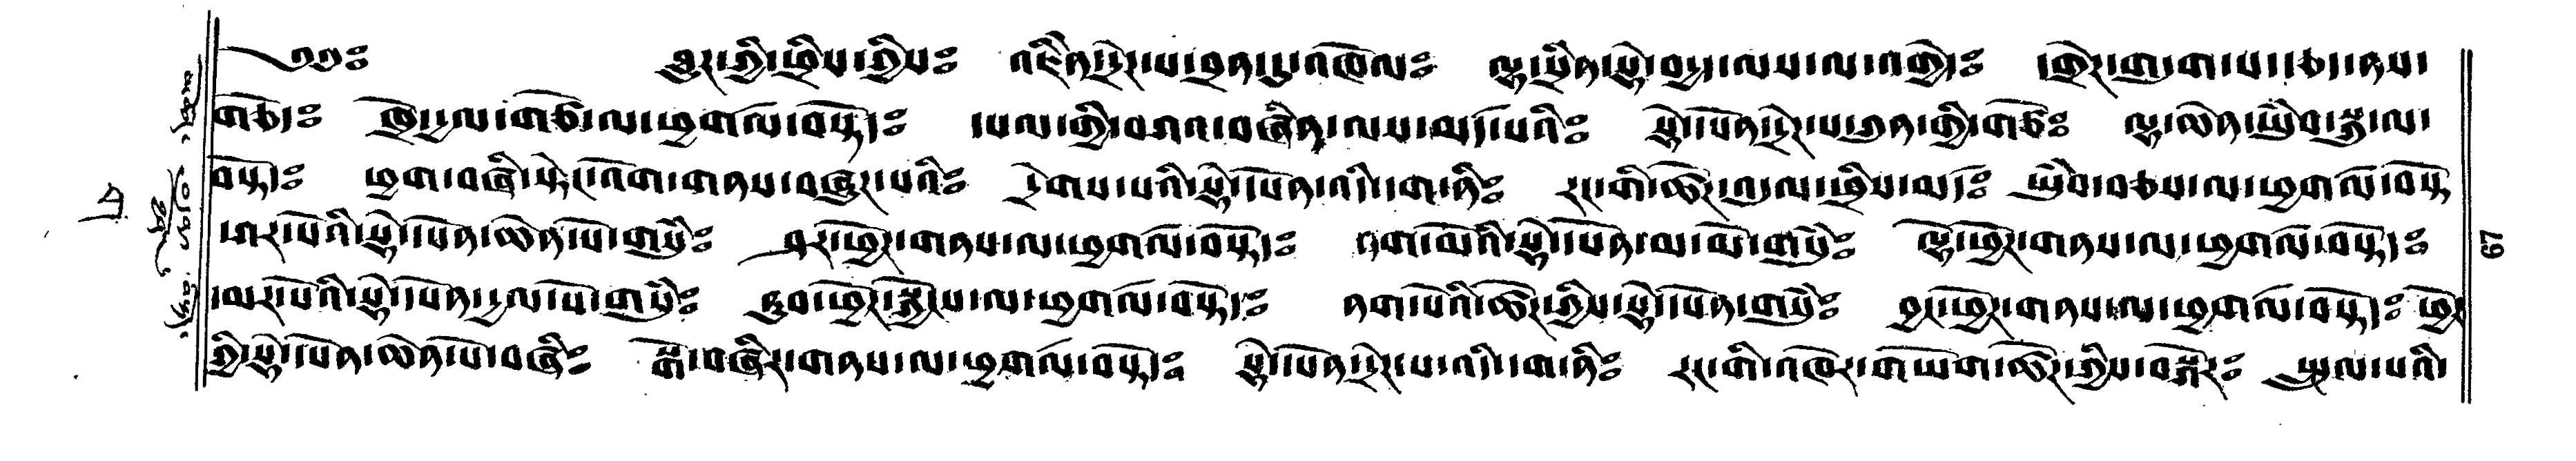ཐུགས་ཀྱི་ཕྲིན་ལས་ཀྱིས༔ འཇིག་རྟེན་དྲེགས་པ་བྲན་དུ་འཁོལཿ ལྷ་སྲིན་སྡེ་བརྒྱད་ལས་ལ་འགྱེདཿ དགྲ་བགེགས་གདུག་པ་རྩད་ནས་
གཅོདཿ ཁྲོ་རྒྱལ་གཙོ་ལ་ཕྱག་འཚལ་བསྟོདཿདཔལ་གྱི་བཀའ་བཞིན་ལས་མཛད་པའིཿ སྡེ་དཔོན་དྲེགས་པ་ཀུན་གྱི་གཙོཿ ལྷ་ཆེན་ཡབ་ཡུམ་སྐུ་ལ་
བསྟོདཿ ཕྱག་བཞི་སྟེང་འོག་གནས་བཞུགས་པའིཿ དྲེགས་པའི་སྡེ་དཔོན་འདི་དག་ནིཿ རང་གི་ཚོགས་འདུལ་ཕྲིན་ལས་མཛདཿ ཡབ་ཡུམ་བཅས་ལ་ཕྱག་འཚལ་བསྟོདཿ 
དཀར་པོའི་སྡེ་དཔོན་ཆེན་པོ་གསུམཿ ཤར་ཕྱོགས་གནས་ལ་ཕྱག་འཚལ་བསྟོདཿ ནག་མོའི་སྡེ་དཔོན་མ་མོ་གསུམཿ ལྷོ་ཕྱོགས་གནས་ལ་ཕྱག་འཚལ་བསྟོདཿ 
དམར་པོའི་སྡེ་དཔོན་རྒྱལ་པོ་གསུམཿ ནུབ་ཕྱོགས་སྐྱོང་ལ་ཕྱག་འཚལ་བསྟོདཿ ནག་པོའི་ཚོགས་ཀྱིས་སྡེ་དཔོན་གསུམཿ བྱང་ཕྱོགས་གནས་ལ་ཕྱག་འཚལ་བསྟོདཿ ཕྱོགས་
ཀྱི་སྡེ་དཔོན་ཆེན་པོ་བཞིཿ སྒོ་བཞིར་གནས་ལ་ཕྱག་འཚལ་བསྟོདཿ སྡེ་དཔོན་དྲེགས་པ་འདི་དག་ནིཿ རང་གི་འཁོར་གཡོག་ཚོགས་ཀྱིས་བསྐོརཿ སྤྲུལ་པའི་